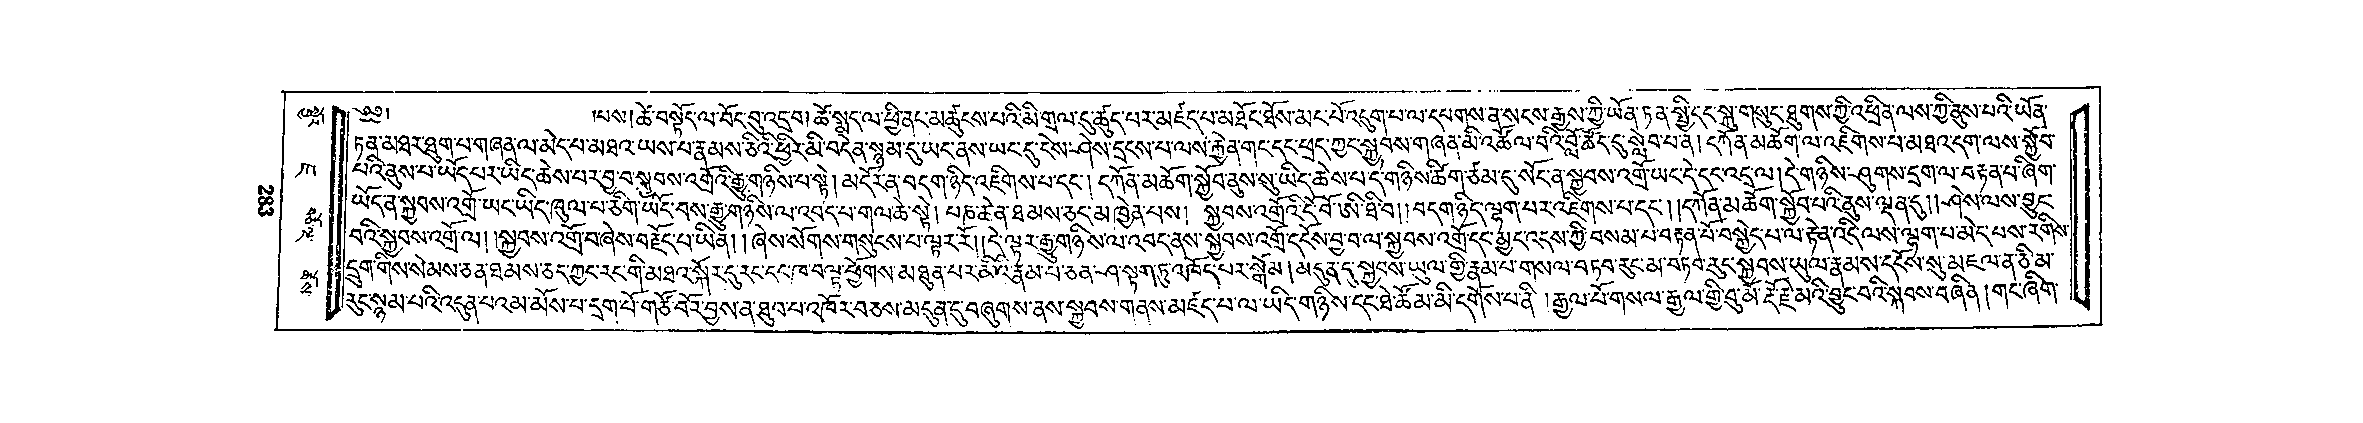༄༅། །པས། ཚེ་བསྟོད་ལ་བོང་བུ་འདྲ་བ། ཚེ་སྨད་ལ་ཕྱི་ནང་མཚུངས་པའི་མི་གྲལ་དུ་ཚུད་པར་མཛད་པ་མཐོང་ཐོས་མང་པོ་འདུག་པ་ལ་དཔགས་ན་སངས་རྒྱས་ཀྱི་ཡོན་ཏན་སྤྱི་དང་སྐུ་གསུང་ཐུགས་ཀྱི་འཕྲིན་ལས་ཀྱི་ནུས་པའི་ཡོན་
ཏན་མཐར་ཐུག་པ་གཞན་ལ་མེད་པ་མཐའ་ཡས་པ་རྣམས་ཅིའི་ཕྱིར་མི་བདེན་སྙམ་དུ་ཡང་ནས་ཡང་དུ་ངེས་ཤེས་དྲངས་པ་ལས་རྐྱེན་གང་དང་ཕྲད་ཀྱང་སྐྱབས་གཞན་མི་འཚོལ་བའི་བློ་ཚོད་དུ་སླེབ་པ་ན། དཀོན་མཆོག་ལ་འཇིགས་པ་མཐའ་དག་ལས་སྐྱོབ་
པའི་ནུས་པ་ཡོད་པར་ཡིད་ཆེས་པར་བྱ་བ་སྐྱབས་འགྲོའི་རྒྱུ་གཉིས་པ་སྟེ། མདོར་ན་བདག་ཉིད་འཇིགས་པ་དང་། དཀོན་མཆོག་སྐྱོབ་ནུས་སུ་ཡིད་ཆེས་པ་དེ་གཉིས་ཚིག་ཙམ་དུ་སོང་ན་སྐྱབས་འགྲོ་ཡང་དེ་དང་འདྲ་ལ། དེ་གཉིས་ཤུགས་དྲག་ལ་བརྟན་པ་ཞིག་
ཡོད་ན་སྐྱབས་འགྲོ་ཡང་ཡིད་ཁུལ་པ་ཅིག་ཡོང་བས་རྒྱུ་གཉིས་ལ་འབད་པ་གལ་ཆེ་སྟེ། པཎ་ཆེན་ཐམས་ཅད་མཁྱེན་པས། སྐྱབས་འགྲོའི་ངོ་བོ་ཨི་ཐི་བ། །བདག་ཉིད་ལྷག་པར་འཇིགས་པ་དང་། །དཀོན་མཆོག་སྐྱོབ་པའི་ནུས་ལྡན་དུ། །ཤེས་ལས་བྱུང་
བའི་སྐྱབས་འགྲོ་ལ། །སྐྱབས་འགྲོ་བ་ཞེས་བརྗོད་པ་ཡིན། །ཞེས་སོགས་གསུངས་པ་ལྟར་རོ། །དེ་ལྟར་རྒྱུ་གཉིས་ལ་འབད་ནས་སྐྱབས་འགྲོ་དངོས་བྱ་བ་ལ་སྐྱབས་འགྲོ་དང་མྱང་འདས་ཀྱི་བསམ་པ་བརྟན་པོ་བསྐྱེད་པ་ལ་རྟེན་འདི་ལས་ལྷག་པ་མེད་པས་རིགས་
དྲུག་གིས་སེམས་ཅན་ཐམས་ཅད་ཀྱང་རང་གི་མཐའ་སྐོར་དུ་རང་དང་ཁ་བལྟ་ཕྱོགས་མཐུན་པར་མིའི་རྣམ་པ་ཅན་ཤ་སྟག་ཏུ་འཁོད་པར་སྒོམ། མདུན་དུ་སྐྱབས་ཡུལ་གྱི་རྣམ་པ་གསལ་བཏབ་རུང་མ་བཏབ་རུང་སྐྱབས་ཡུལ་རྣམས་དངོས་སུ་མཇལ་ན་ཅི་མ་
རུང་སྙམ་པའི་འདུན་པའམ་མོས་པ་དྲག་པོ་གཙོ་བོར་བྱས་ན་ཐུབ་པ་འཁོར་བཅས་མདུན་དུ་བཞུགས་ནས་སྐྱབས་གནས་མཛད་པ་ལ་ཡིད་གཉིས་དང་ཐེ་ཚོམ་མི་དགོས་པ་ནི། རྒྱལ་པོ་གསལ་རྒྱལ་གྱི་བུ་མོ་རྡོ་རྗེ་མའི་བྱུང་བའི་སྐབས་བཞིན། གང་ཞིག་